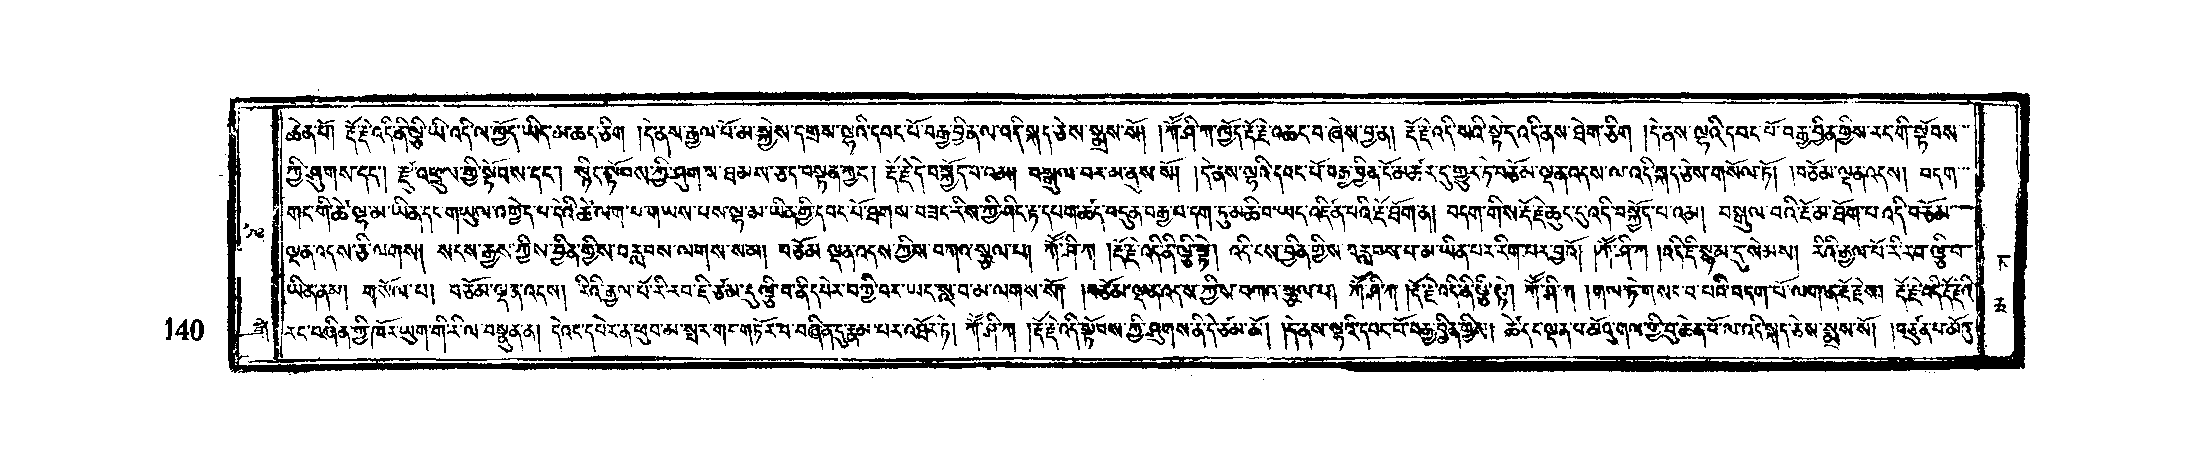ཆེན་པོ། རྡོ་རྗེ་འདི་ནི་ལྕི་ཡི་འདི་ལ་ཁྱོད་ཡིད་མ་ཆད་ཅིག །དེ་ནས་རྒྱལ་པོ་མ་སྐྱེས་དགྲས་ལྷའི་དབང་པོ་བརྒྱ་བྱིན་ལ་འདི་སྐད་ཅེས་སྨྲས་སོ། །ཀཽ་ཤི་ཀ་ཁྱོད་རྡོ་རྗེ་འཆང་བ་ཞེས་བྱ་ན། རྡོ་རྗེ་འདི་སའི་སྟེང་འདི་ནས་ཐེག་ཅིག །དེ་ནས་ལྷའི་དབང་པོ་བརྒྱ་བྱིན་གྱིས་རང་གི་སྟོབས་
ཀྱི་ཤུགས་དང་། རྫུ་འཕྲུལ་གྱི་སྟོབས་དང་། སྙིང་སྟོབས་ཀྱི་ཤུགས་ཐམས་ཅད་བསྟན་ཀྱང་། རྡོ་རྗེ་དེ་བསྐྱོད་པའམ། བསྒུལ་བར་མ་ནུས་སོ། །དེ་ནས་ལྷའི་དབང་པོ་བརྒྱ་བྱིན་ངོ་མཚར་དུ་གྱུར་ཏེ་བཅོམ་ལྡན་འདས་ལ་འདི་སྐད་ཅེས་གསོལ་ཏོ། །བཅོམ་ལྡན་འདས། བདག་
གང་གི་ཚེ་ལྷ་མ་ཡིན་དང་གཡུལ་འགྱེད་པ་དེའི་ཚེ་ལག་པ་གཡས་པས་ལྷ་མ་ཡིན་གྱི་དབང་པོ་ཐགས་བཟང་རིས་ཀྱི་ཤིང་རྟ་དཔག་ཚད་བདུན་བརྒྱ་བ་དག་ཏུ་མཆིས་བ་ཡང་འཛིན་པའི་རྡོ་ཐོག་ན། བདག་གིས་རྡོ་རྗེ་ཆུང་དུ་འདི་བསྐྱོད་པའམ། བསྒུལ་བའི་རྡོ་མ་ཐོག་པ་འདི་བཅོམ་
ལྡན་འདས་ཅི་ལགས། སངས་རྒྱས་ཀྱིས་བྱིན་གྱིས་བརླབས་ལགས་སམ། བཅོམ་ལྡན་འདས་ཀྱིས་བཀའ་སྩལ་པ། ཀཽ་ཤི་ཀ། རྡོ་རྗེ་འདི་ནི་ལྕི་སྟེ། འདི་ངས་བྱིན་གྱིས་བརླབས་པ་མ་ཡིན་པར་རིག་པར་བྱའོ། །ཀཽ་ཤི་ཀ། འདི་ཇི་སྙམ་དུ་སེམས། རིའི་རྒྱལ་པོ་རི་རབ་ལྕི་བ་
ཡིན་ནམ། གསོལ་པ། བཅོམ་ལྡན་འདས། རིའི་རྒྱལ་པོ་རི་རབ་ཇི་ཙམ་དུ་ལྕི་བ་ནི་དཔེར་བགྱི་བར་ཡང་སླ་བ་མ་ལགས་སོ། །བཅོམ་ལྡན་འདས་ཀྱིས་བཀའ་སྩལ་པ། ཀཽ་ཤི་ཀ། རྡོ་རྗེ་འདི་ནི་ལྕི་སྟེ། ཀཽ་ཤི་ཀ། གལ་ཏེ་གསང་བ་པའི་བདག་པོ་ལག་ན་རྡོ་རྗེས། རྡོ་རྗེ་འདི་རྡོ་རྗེའི་
རང་བཞིན་གྱི་ཁོར་ཡུག་གི་རི་ལ་བསྣུན་ན། དེའང་དཔེར་ན་ཕུབ་མ་སྤར་གང་གཏོར་བ་བཞིན་དུ་རྣམ་པར་འཐོར་ཏེ། ཀཽ་ཤི་ཀ། རྡོ་རྗེ་འདི་སྟོབས་ཀྱི་ཤུགས་ནི་དེ་ཙམ་མོ། །དེ་ནས་ལྷའི་དབང་པོ་བརྒྱ་བྱིན་གྱིས། ཚེ་དང་ལྡན་པ་མོའུ་གལ་གྱི་བུ་ཆེན་པོ་ལ་འདི་སྐད་ཅེས་སྨྲས་སོ། །བཙུན་པ་མོའུ་